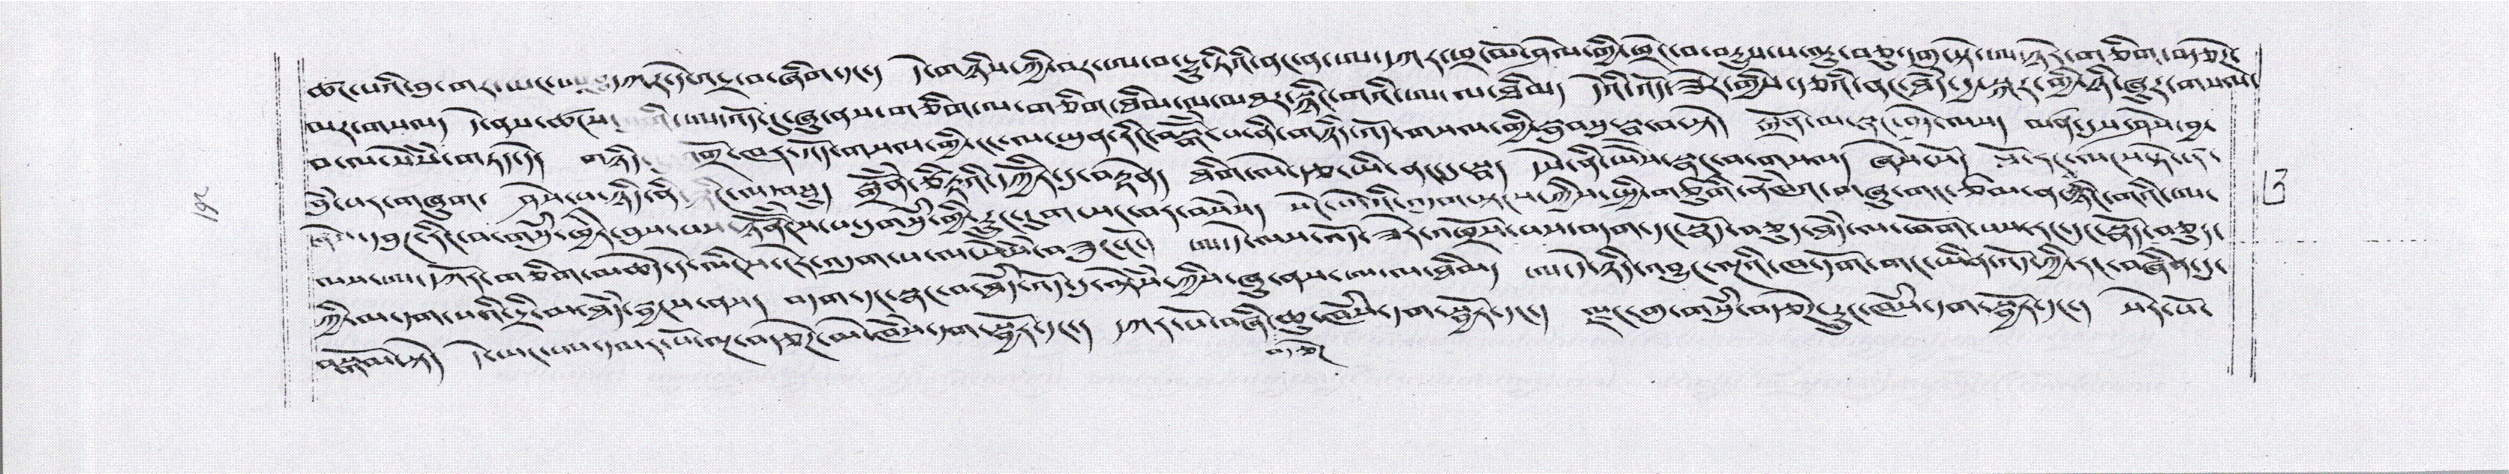ཚང་པའི་བུ་གར་ཡང་ཨཱཿདཀར་དེ་འདྲ་བ་ཞིག་དང། དེ་གཉིས་ཀྱི་བར་ཨ་བ་དྷུ་ཏིའི་ནང་ན་ཨ་དཀར་ཕྲ་མོ་ཤེལ་གྱི་ཕྲེང་བ་བརྒྱུས་པ་ལྟ་བུ་བཅུ་དགུ་སྟེ་ཨ་ཉེར་གཅིག་བརྩེགས་
མར་གསལ། དེ་ནས་ཚངས་པའི་ཨ་འོད་དུ་ཞུ་ནས་གཅིག་ལ་གཅིག་ཐིམ་ལ་མཐར་སྙིང་གའི་ཨ་ལ་ཐིམ། དེའི་འོད་ཟེར་གྱིས་རྩའི་ནང་ཐམས་ཅད་རྒྱ་སྐར་གྱི་ཉི་ཞུར་གསལ་
བ་ལ་སེམས་གཏད་དེ། གཉིད་དུ་འགྲོ་ཁར་འོད་གསལ་གྱི་ངང་ལ་ཡུན་རིང་བསྒོམ་པ་ནི་གཉིད་འོད་གསལ་གྱི་སྦུབས་སུ་སྦ་བ་སྟེ། སྒྲོན་མ་སྣང་བྱེད་ལས། མཚན་དུས་ཤེས་བྱ་
བུམ་པར་གཞུག ཤེས་པ་ཉིད་ནི་སྙིང་ལ་བསྡུ། སྒྲོན་མ་ཙིཏྟའི་དཀྱིལ་འཁོར་དུ་བརྟེན། ཐིག་ལེ་རྩ་ཡི་ནང་དུ་སྦ། དེས་ནི་ཡེ་ཤེས་སྣང་བ་གསལ། ཞེས་སོ། ཐོ་རང་ལངས་སྟེ་ཧ་
ཞེས་དབུགས་རིང་བ་གསུམ་ཕྱིར་བུས་པས་ཉོན་མོངས་པ་དུག་གསུམ་གྱི་རླུང་དུག་སང་བར་བསམས། སེང་གེའི་འདུག་སྟངས་ཀྱིས་སྤྱི་གཙུག་གི་ནམ་མཁའ་གཞུ་གང་ཙམ་ན་སྙིང་གའི་ཨ་
ལས་ཨ་དཀར་པོ་གཅིག་མཆོད་དེ་ལིངས་ངེར་འདུག་པ་ལ་སེམས་བཟུང་ངོ། ཨ་དེ་ལས་འོད་ཟེར་འཕྲོས་པས་བདག་དང་སྣོད་བཅུད་ཐམས་ཅད་ལ་ཕོག་པས་རང་དང་སྣོད་བཅུད་
ཀྱི་མ་དག་པའི་དྲི་མ་ཐམས་ཅད་སྦྱངས་ནས། བདག་དང་སྣང་བ་ཐམས་ཅད་འོད་དུ་ལྟེམས་ཀྱིས་ཞུ་ནས་ཨ་ལ་ཐིམ། ཨ་དེ་ཉིད་འབྱུང་ལྔའི་ཁ་དོག་གང་ཡིན་འོད་ཀྱི་རང་བཞིན་དུ་
བསྒོམ་སྟེ། དེ་ཡང་ཨ་དམར་པོ་ལྔ་བརྩེགས་མེ་ཁམས་དག་སྦྱོར་དང། དཀར་པོ་བཞི་བརྩེགས་ཆུ་ཁམས་དག་སྦྱོར་དང། ལྗང་གུ་གསུམ་བརྩེགས་རླུང་ཁམས་དག་སྦྱོར་དང། སེར་པོ་